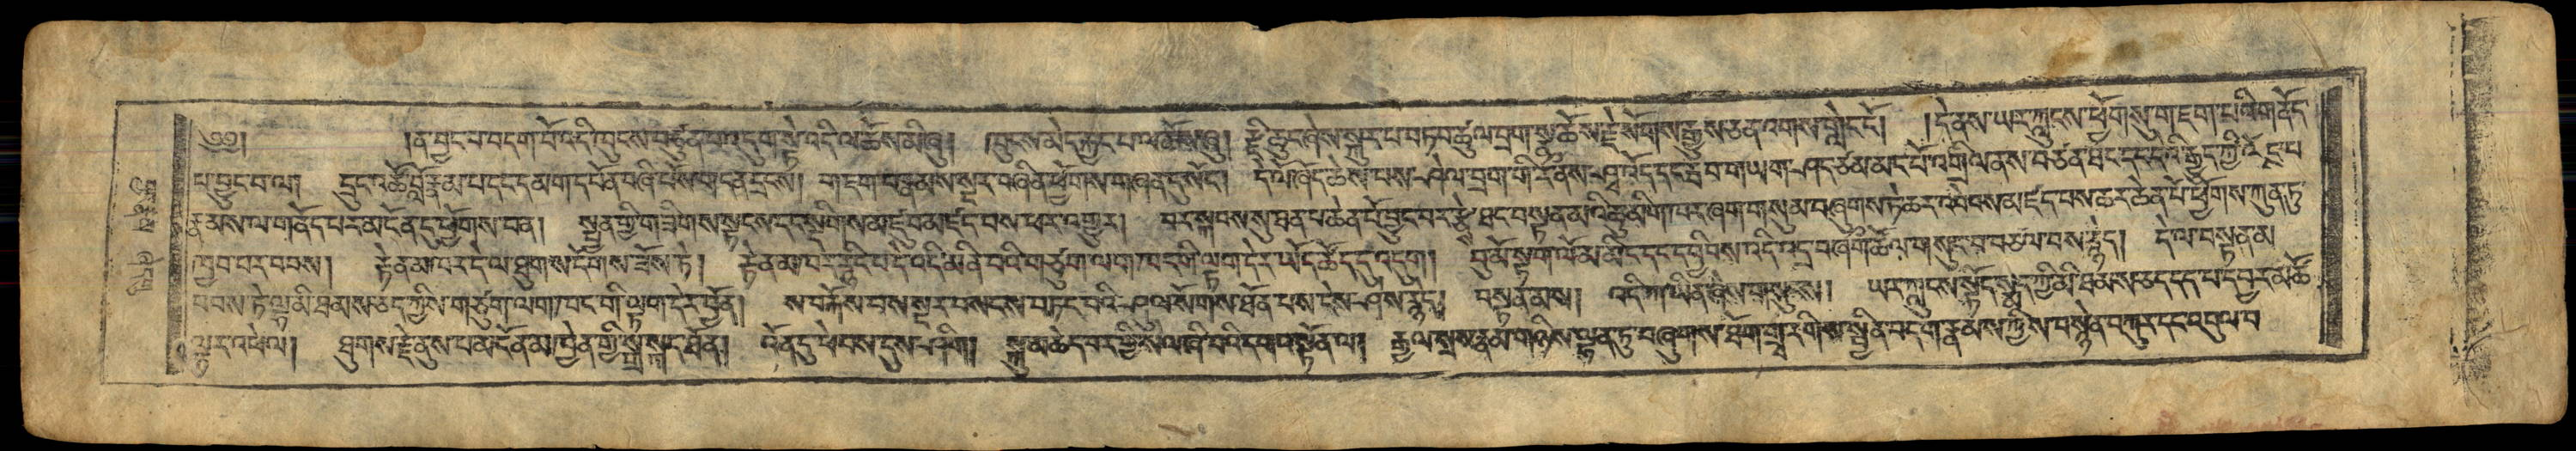༄༅། །ན་བྱང་བ་བདག་པོ་འདི་ཁུངས་བཅུན་པ་འདུག་སྟ་འདི་ལ་ཆོས་མི་ཞུ། ཁུངས་མེད་རྐྱང་པ་ལ་ཆོས་ཞུ། རྫི་ཆུང་ཞེས་སྐུར་པ་བཏབ་ཚུལ་བྲག་སྣ་ཆོས་རྗེ་སོགས་རྒྱུས་ཅན་འགས་གླེང་ངོ། །དེ་ནས་ཡར་ཀླུངས་ཕྱོགས་སུ་ག་ཇག་པའི་གནོད་
པ་བྱུང་བ་ལ། དྲུང་འཚོ་བློ་རྣམ་པ་དང་དམག་དཔོན་བཞི་པོས་གདན་དྲངས། ག་ཇག་པ་རྣམས་སྔར་བཞིན་ཕྱོགས་གཞན་དུ་སོང་། དེ་ལོ་ཞོད་ཆེས་པས་ཤེལ་བྲག་གི་རྀ་ནས་ཤྭ་འོད་དང་རྦབ་གཡག་ཤད་ཙམ་མང་པོ་འགྲིལ་ནས་བཙན་ཐང་དང་དེའི་རྒྱུད་ཀྱི་ལོངས་པ་
རྣམས་ལ་གནོད་པར་མངོན་དུ་ཕྱོགས་པ་ན་?། སྤྱན་གྱི་གཟིགས་སྟངས་དང་སྡིགས་མཇུབ་མཛད་པས་ཕར་འགྱུར། བར་སྐབས་སུ་ཐན་པ་ཆེན་པོ་བྱུང་བར་རྩེས་ཐང་བསྟན་མའི་ཆུ་མིག་ཁར་ཞག་གསུམ་བཞུགས་ཏེ་ཆར་འབེབས་མཛད་པས་ཆར་ཆེན་པོ་ཕྱོགས་ཀུན་ཏུ་
ཁྱབ་པར་བབས། རྟེན་མཁར་དེ་ལ་ཐུགས་དོགས་ཟོས་ཏེ། རྟེན་མཁར་རྙིང་པ་དེ་འདི་མིན་པའི་གཙུག་ལག་ཁང་གི་ལྟག་དེར་ཡོད་ཚོད་དུ་འདུག། བུ་མོ་སྟག་ལོ་མ་མིང་དང་དབྱིབས་འདི་འདྲ་བ་ཞྀག་ཚོལ་གསུང་བ་བཙལ་བས་རྙེད། དེ་ལ་བསྟན་མ་
བབས་ཏེ་ལྷ་མི་ཐམས་ཅད་ཀྱིས་གཙུག་ལག་ཁང་གི་ལྟག་དེར་བྱོན། ས་བརྐོས་པས་སྔར་བ་སངས་བཏང་བའི་ཤུལ་སོགས་ཐོན་པས་ངེས་ཤེས་རྙེད། བསྟན་མས། འདི་ཀ་ཡིན་ཞེས་གསུངས། ཡར་ཀླུངས་སྟོད་སྨད་ཀྱི་མི་ཐམས་ཅད་དད་པ་དབྱར་མཚོ་
ལྟར་འཕེལ། ཐུགས་རྗེ་ནུས་པ་མངོན་མཁྱེན་གྱི་སྒྲ་སྐད་ཐོན། འོན་དུ་ཕེབས་དུས་ཤིག། སྐུ་མཆེད་པར་གྱི་སེལ་ཞི་བའི་དགའ་སྟོན་ལ། རྒྱལ་སྲས་རྣམ་གཉིས་ལྷན་ཏུ་བཞུགས་ཐོག་གྲྭ་རིགས་སྦྱིན་བ་དག་རྣམས་ཀྱིས་བསྙེན་བཀུར་དང་འབུལ་བ་